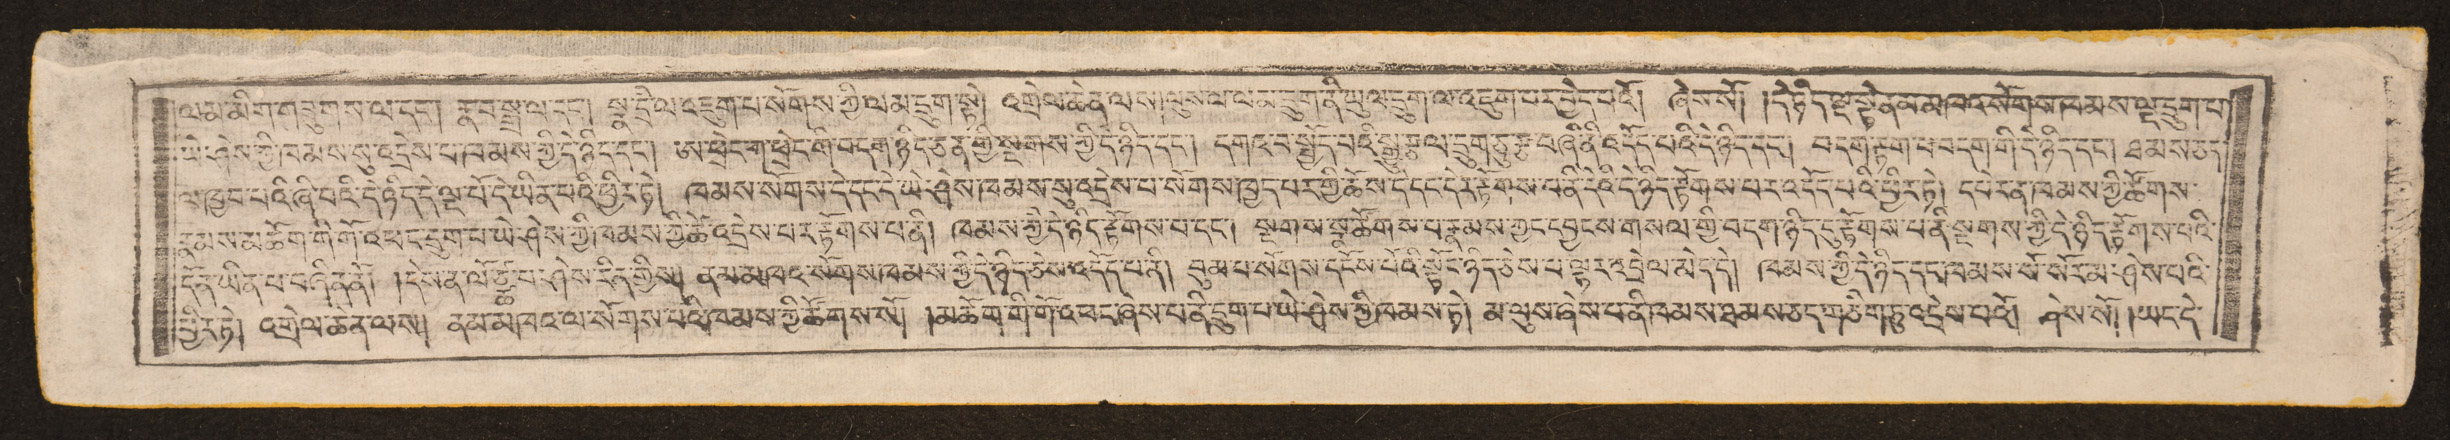ལམ་མིག་གཟུགས་ལ་དང་། རྣ་བ་སྒྲ་ལ་དང་། སྣ་དྲི་ལ་འཇུག་པ་སོགས་ཀྱི་ལམ་དྲུག་སྟེ། འགྲེལ་ཆེན་ལས། ལུས་ལ་ལམ་དྲུག་ནི་ཡུལ་དྲུག་ལ་འཇུག་པར་བྱེད་པའོ། ཞེས་སོ། །དེ་ཉིད་ལྔ་སྟེ་ནམ་མཁའ་སོགས་ཁམས་ལྔ་དྲུག་པ་
ཡེ་ཤེས་ཀྱི་ཁམས་སུ་འདྲེས་པ་ཁམས་ཀྱི་དེ་ཉིད་དང་། ཨ་ཕྲེང་ཀ་ཕྲེང་གི་བདག་ཉིད་ཅན་གྱི་སྔགས་ཀྱི་དེ་ཉིད་དང་། དགའ་བ་སྤྱོད་པའི་སྒྱུ་རྩལ་དྲུག་ཅུ་རྩ་བཞི་ནི་འདོད་པའི་དེ་ཉིད་དང་། བདག་རྟག་པ་བདག་གི་དེ་ཉིད་དང་། ཐམས་ཅད་
ལ་ཁྱབ་པའི་ཞི་བའི་དེ་ཉིད་དེ་ལྔ་པོ་དེ་ཡིན་པའི་ཕྱིར་ཏེ། ཁམས་སོགས་དེ་དང་དེ་ཡེ་ཤེས་ཁམས་སུ་འདྲེས་པ་སོགས་ཁྱད་པར་གྱི་ཆོས་དེ་དང་དེར་རྟོགས་པ་ནི་དེའི་དེ་ཉིད་རྟོགས་པར་འདོད་པའི་ཕྱིར་ཏེ། དཔེར་ན་ཁམས་ཀྱི་ཚོགས་
རྣམས་མཆོག་གི་གོ་འཕང་དྲུག་པ་ཡེ་ཤེས་ཀྱི་ཁམས་ཀྱི་ཚེ་འདྲེས་པར་རྟོགས་པ་ནི། ཁམས་ཀྱི་དེ་ཉིད་རྟོགས་པ་དང་། སྔགས་སྣ་ཚོགས་པ་རྣམས་ཀྱང་དབྱངས་གསལ་གྱི་བདག་ཉིད་དུ་རྟོགས་པ་ནི་སྔགས་ཀྱི་དེ་ཉིད་རྟོགས་པའི་
དོན་ཡིན་པ་བཞིན་ནོ། །དེས་ན་ལོ་ཙྪ་པ་ཤེས་རིན་གྱིས། ནམ་མཁའ་སོགས་ཁམས་ཀྱི་དེ་ཉིད་ཅེས་འདོད་པ་ནི། བུམ་པ་སོགས་དངོས་པོའི་སྟོང་ཉིད་ཅེས་པ་ལྟར་འབྲེལ་མེད་དེ། ཁམས་ཀྱི་དེ་ཉིད་དང་ཁམས་སོ་སོར་མ་ཤེས་པའི་
ཕྱིར་ཏེ། འགྲེལ་ཆེན་ལས། ནམ་མཁའ་ལ་སོགས་པའི་ཁམས་ཀྱི་ཚོགས་སོ། །མཆོག་གི་གོ་འཕང་ཞེས་པ་ནི་དྲུག་པ་ཡེ་ཤེས་ཀྱི་ཁམས་ཏེ། མ་ལུས་ཞེས་པ་ནི་ཁམས་ཐམས་ཅད་གཅིག་ཏུ་འདྲེས་པའོ། ཞེས་སོ། །ཡང་དེ་